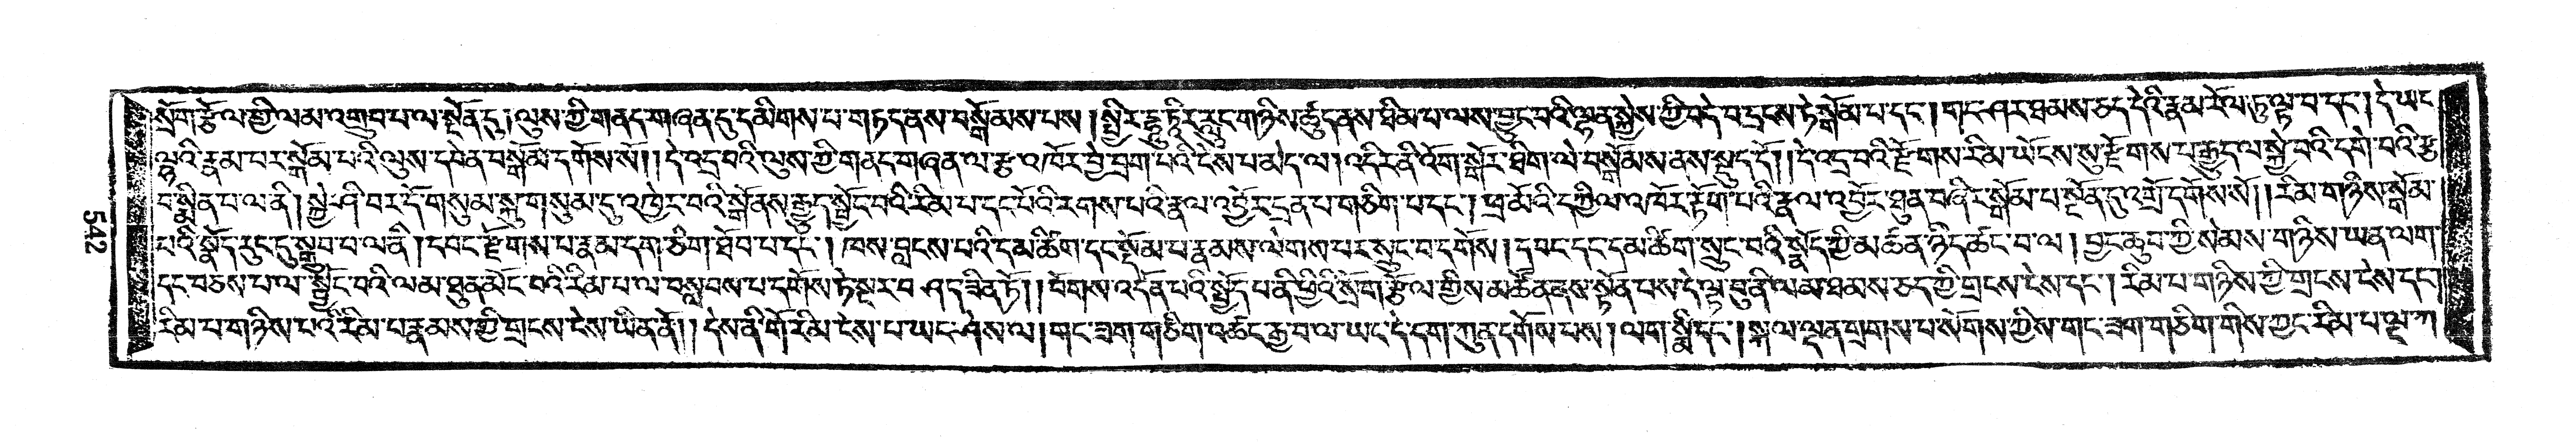སྲོག་རྩོལ་གྱི་ལམ་འགྲུབ་པ་ལ་སྔོན་དུ། ལུས་ཀྱི་གནད་གཞན་དུ་དམིགས་པ་གཏད་ནས་བསྒོམས་པས། སྤྱིར་དྷཱུ་ཏཱིར་རླུང་གཉིས་ཚུད་ནས་ཐིམ་པ་ལས་བྱུང་བའི་ལྷན་སྐྱེས་ཀྱི་བདེ་བ་དྲངས་ཏེ་སྒོམ་པ་དང་། གང་ཤར་ཐམས་ཅད་དེའི་རྣམ་རོལ་ཏུ་ལྟ་བ་དང་། དེ་ཡང་
ལྷའི་རྣམ་པར་སྒོམ་པའི་ལུས་དབེན་བསྒོམ་དགོས་སོ། །དེ་འདྲ་བའི་ལུས་ཀྱི་གནད་གཞན་ལ་རྩ་འཁོར་བྱེ་བྲག་པའི་ངེས་པ་མེད་ལ། འདིར་ནི་འོག་སྒོར་ཐིག་ལེ་བསྒོམས་ནས་སྡུད་དོ། །དེ་འདྲ་བའི་རྫོགས་རིམ་ཡོངས་སུ་རྫོགས་པ་རྒྱུད་ལ་སྐྱེ་བའི་དགེ་བའི་རྩ་
བ་སྨིན་པ་ལ་ནི། སྐྱེ་ཤི་བར་དོ་གསུམ་སྐུ་གསུམ་དུ་འཁྱེར་བའི་སྒོ་ནས་རྒྱུད་སྦྱོང་བའི་རིམ་པ་དང་པོའི་རགས་པའི་རྣལ་འབྱོར་དྲན་པ་གཅིག་པ་དང་། ཕྲ་མོའི་དཀྱིལ་འཁོར་རྟོག་པའི་རྣལ་འབྱོར་ཐུན་བཞིར་སྒོམ་པ་སྔོན་དུ་འགྲོ་དགོས་སོ། །རིམ་གཉིས་སྒོམ་
པའི་སྣོད་རུང་དུ་སྒྲུབ་པ་ལ་ནི། དབང་རྫོགས་པ་རྣམ་དག་ཅིག་ཐོབ་པ་དང་། ཁས་བླངས་པའི་དམ་ཚིག་དང་སྡོམ་པ་རྣམས་ལེགས་པར་སྲུང་བ་དགོས། དབང་དང་དམ་ཚིག་སྲུང་བའི་སྣོད་ཀྱི་མཚན་ཉིད་ཚང་བ་ལ། བྱང་ཆུབ་ཀྱི་སེམས་གཉིས་ཡན་ལག་
དང་བཅས་པ་ལ་སྦྱོང་བའི་ལམ་ཐུན་མོང་བའི་རིམ་པ་ལ་བསླབས་པ་དགོས་ཏེ་སྔར་བཤད་ཟིན་ཏོ། །བོགས་འདོན་པའི་སྤྱོད་པ་ནི་ཕྱིའི་སྲོག་རྩོལ་གྱིས་མཚོན་ནས་སྟོན་པས་དེ་ལྟ་བུ་ནི་ལམ་ཐམས་ཅད་ཀྱི་གྲངས་ངེས་དང་། རིམ་པ་གཉིས་ཀྱི་གྲངས་ངེས་དང་།
རིམ་པ་གཉིས་པའི་རིམ་པ་རྣམས་ཀྱི་གྲངས་ངེས་ཡིན་ནོ། །དེས་ནི་གོ་རིམ་ངེས་པ་ཡང་ཤེས་ལ། གང་ཟག་གཅིག་འཚང་རྒྱ་བ་ལ་ཡང་དེ་དག་ཀུན་དགོས་པས། ལག་སྨི་དང་། སྐལ་ལྡན་གྲགས་པ་སོགས་ཀྱིས་གང་ཟག་གཅིག་གོས་ཀྱང་རིམ་པ་ལྔ་ཀ་